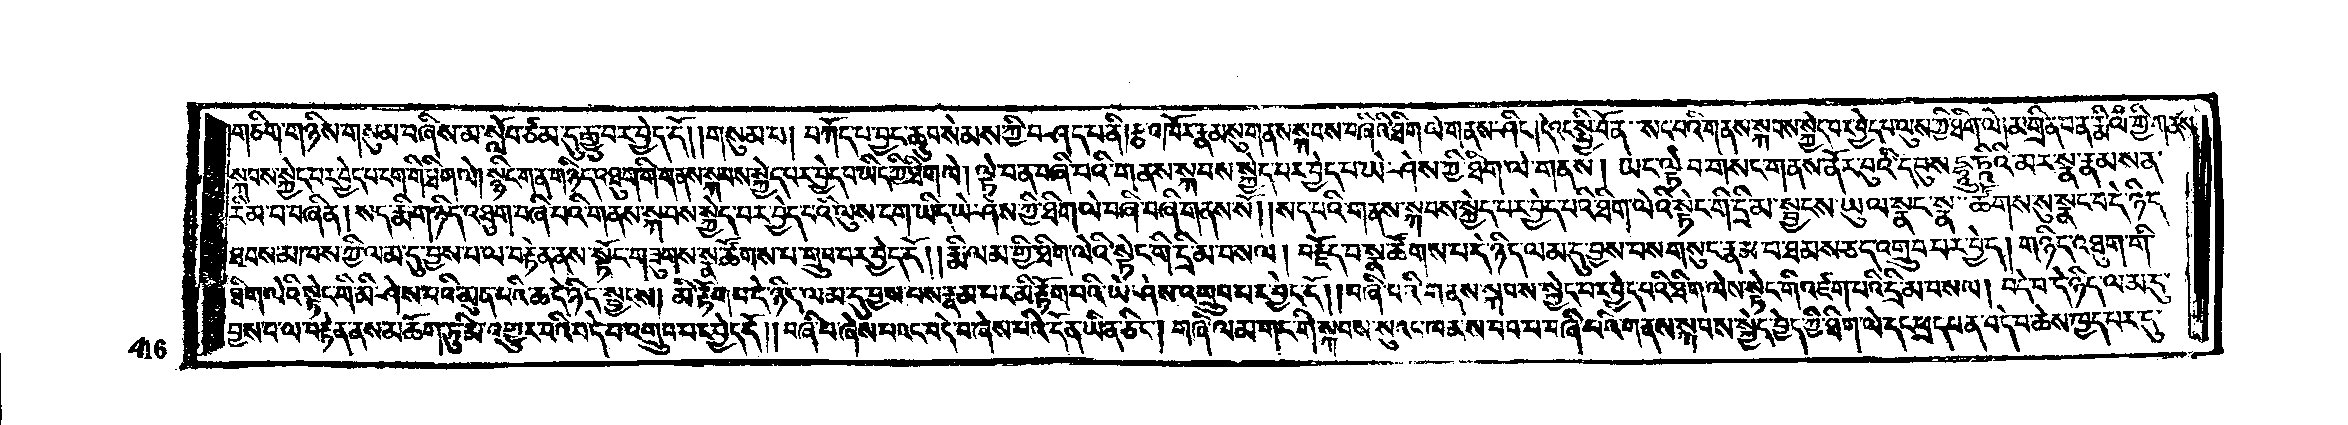གཅིག་གཉིས་གསུམ་བཞིས་མ་སློབ་ཙམ་དུ་རྒྱུ་བར་བྱེད་དོ། །གསུམ་པ། བཀོད་པ་བྱང་ཆུབ་སེམས་ཀྱི་བཤད་པ་ནི། རྩ་འཁོར་རྣམས་སུ་གནས་སྐབས་བཞིའི་ཐིག་ལེ་གནས་ཤིང་། དེའང་སྤྱི་བོ་ན་སང་བའི་གནས་སྐབས་སྐྱེད་པར་བྱེད་པ་ལུས་ཀྱི་ཐིག་ལེ། མགྲིན་པ་ན་རྨི་ལཾ་གྱི་གནས་
སྐབས་སྐྱེད་པར་བྱེད་པ་ངག་གི་ཐིག་ལེ། སྙིང་ག་ན་གཉིད་འཐུག་གི་གནས་སྐབས་སྐྱེད་པར་བྱེད་པ་ཡིད་ཀྱི་ཐིག་ལེ། ལྟེ་བ་ན་བཞི་པའི་གནས་སྐབས་སྐྱེད་པར་བྱེད་པ་ཡེ་ཤེས་ཀྱི་ཐིག་ལེ་གནས། ཡང་ལྟེ་བ་གསང་གནས་ནོར་བུའི་དབུས་དྷཱུ་ཏཱིའི་མར་སྣ་རྣམས་ན་
རིམ་པ་བཞིན། སད་རྨི་གཉིད་འཐུག་བཞི་པའི་གནས་སྐབས་སྐྱེད་པར་བྱེད་པའི་ལུས་ངག་ཡིད་ཡེ་ཤེས་ཀྱི་ཐིག་ལེ་བཞི་བཞི་གནས་སོ། །སད་པའི་གནས་སྐབས་སྐྱེད་པར་བྱེད་པའི་ཐིག་ལེའི་སྟེང་གི་དྲི་མ་སྦྱངས་ཡུལ་སྣང་སྣ་ཚོགས་སུ་སྣང་བ་དེ་ཉིད་
ཐབས་མཁས་ཀྱི་ལམ་དུ་བྱས་པ་ལ་བརྟེན་ནས་སྟོང་གཟུགས་སྣ་ཚོགས་པ་གྲུབ་པར་བྱེད་དོ། །རྨི་ལམ་གྱི་ཐིག་ལེའི་སྟེང་གི་དྲི་མ་བསལ། བརྗོད་པ་སྣ་ཚོགས་པ་དེ་ཉིད་ལམ་དུ་བྱས་པས་གསུང་རྣམ་པ་ཐམས་ཅད་འགྲུབ་པར་བྱེད། གཉིད་འཐུག་གི་
ཐིག་ལེའི་སྟེང་གི་མི་ཤེས་པའི་མུན་པའི་ཆ་དེ་ཉིད་སྦྱངས། མི་རྟོག་པ་དེ་ཉིད་ལམ་དུ་བྱས་པས་རྣམ་པར་མི་རྟོག་པའི་ཡེ་ཤེས་འགྲུབ་པར་བྱེད་དོ། །བཞི་པའི་གནས་སྐབས་སྐྱེད་པར་བྱེད་པའི་ཐིག་ལེས་སྟེང་གི་འཛག་པའི་དྲི་མ་བསལ། བདེ་བ་དེ་ཉིད་ལམ་དུ་
བྱས་པ་ལ་བརྟེན་ནས་མཆོག་ཏུ་མི་འགྱུར་པའི་བདེ་བ་འགྲུབ་པར་བྱེད་དོ། །བཞི་པ་ཞེས་པའང་བདེ་བ་ཞེས་པའི་དོན་ཡིན་ཅིང་། གཞི་ལམ་གང་གི་སྐབས་སུའང་ཁམས་བབ་པ་བཞི་པའི་གནས་སྐབས་སྐྱེད་བྱེད་ཀྱི་ཐིག་ལེ་དང་ཕྲད་པ་ན་བདེ་བ་ཆེས་ཁྱད་པར་དུ་